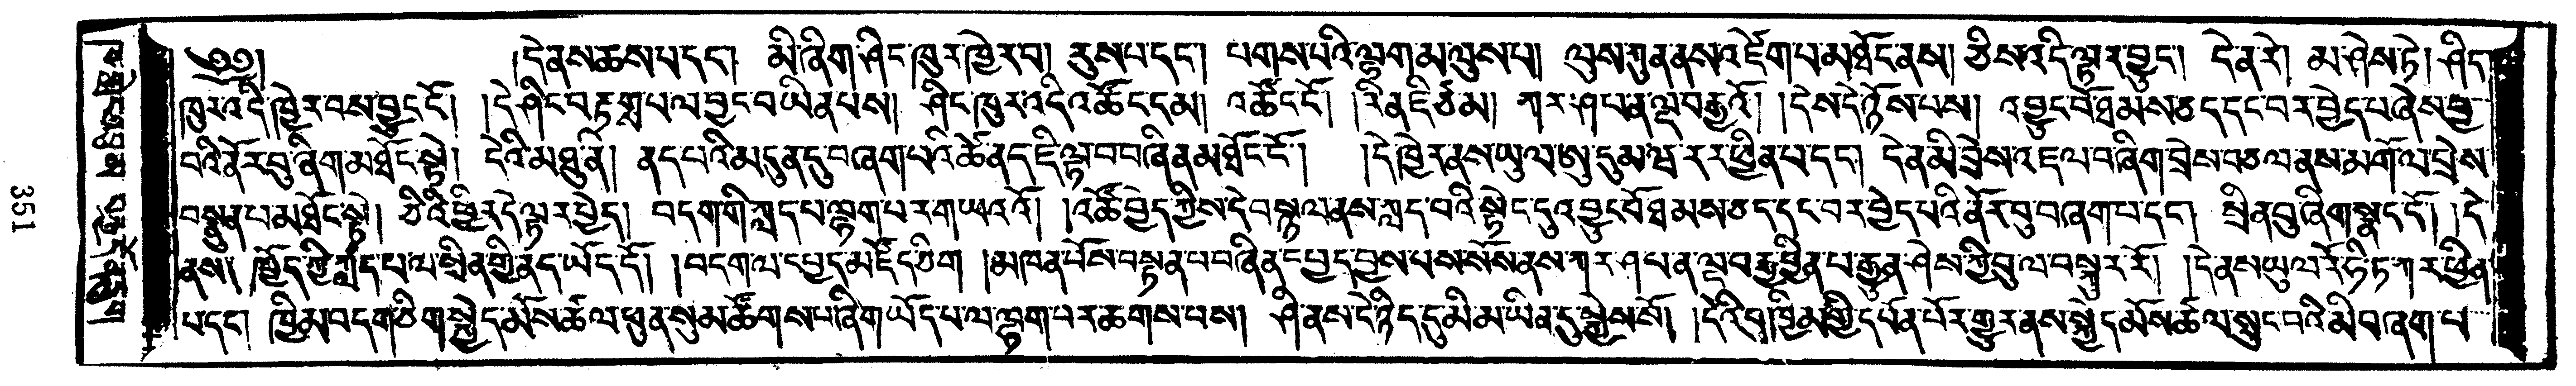༄༅། །དེ་ནས་ཆས་པ་དང་། མི་ཞིག་ཤིང་ཁུར་ཁྱེར་བ། རུས་པ་དང་། པགས་པའི་ལྷག་མ་ལུས་པ། ལུས་ཀུན་ནས་འཛེག་པ་མཐོང་ནས། ཅིས་འདི་ལྟར་བྱུང་། དེ་ན་རེ། མ་ཤེས་ཏེ། ཤིང་
ཁུར་འདི་ཁྱེར་བས་བྱུང་ངོ། །དེ་ཤིང་བརྟགས་པ་ལ་བྱང་བ་ཡིན་པས། ཤིང་ཁུར་འདི་འཚོང་དམ། འཚོང་ངོ། །རིན་ཇི་ཙམ། ཀར་ཤ་པ་ན་ལྔ་བརྒྱའོ། །དེས་དེ་ཉོས་པས། འབྱུང་པོ་ཐམས་ཅད་དང་བར་བྱེད་པ་ཞེས་བྱ་
བའི་ནོར་བུ་ཞིག་མཐོང་སྟེ། དེའི་མཐུ་ནི། ནད་པའི་མདུན་དུ་བཞག་པའི་ཚེ་ནད་ཇི་ལྟ་བ་བཞིན་མཐོང་ངོ། །དེ་ཁྱེར་ནས་ཡུལ་ཨུ་དུམ་ཝ་རར་ཕྱིན་པ་དང་། དེ་ན་མི་བྲེས་འཇལ་བ་ཞིག་བྲེས་བཅལ་ནས་མགོ་ལ་བྲེས་
བསྣུན་པ་མཐོང་སྟེ། ཅིའི་ཕྱིར་དེ་ལྟར་བྱེད། བདག་གི་ཀླད་པ་ལྷག་པར་གཡའ་འོ། །འཚོ་བྱེད་ཀྱིས་དེ་བསྙལ་ནས་ཀླད་པའི་སྟེང་དུ་འབྱུང་བོ་ཐམས་ཅད་དང་བར་བྱེད་པའི་ནོར་བུ་བཞག་པ་དང་། སྲིན་བུ་ཞིག་སྣང་ངོ། །དེ་
ནས༑ ཁྱོད་ཀྱི་ཀླད་པ་ལ་སྲིན་གྱི་ནད་ཡོད་དོ། །བདག་ལ་དཔྱད་མཛོད་ཅིག །མཁན་པོས་བསྟན་པ་བཞིན་དཔྱད་བྱས་པས་སོས་ནས་ཀར་ཤ་པ་ན་ལྔ་བརྒྱ་བྱིན་པ་རྒྱུན་ཤེས་ཀྱི་བུ་ལ་བསྐུར་རོ། །དེ་ནས་ཡུལ་རོ་ཧི་ཏ་ཀར་ཕྱིན་
པ་དང་། ཁྱིམ་བདག་ཅིག་སྐྱེད་མོས་ཚལ་ཕུན་སུམ་ཚོགས་པ་ཞིག་ཡོད་པ་ལ་ལྷག་པར་ཆགས་པས། ཤི་ནས་དེ་ཉིད་དུ་མི་མ་ཡིན་དུ་སྐྱེས་སོ། །དེའི་བུ་ཁྱིམ་གྱི་དཔོན་པོར་གྱུར་ནས་སྐྱེད་མོས་ཚལ་སྲུང་བའི་མི་བཞག་པ་